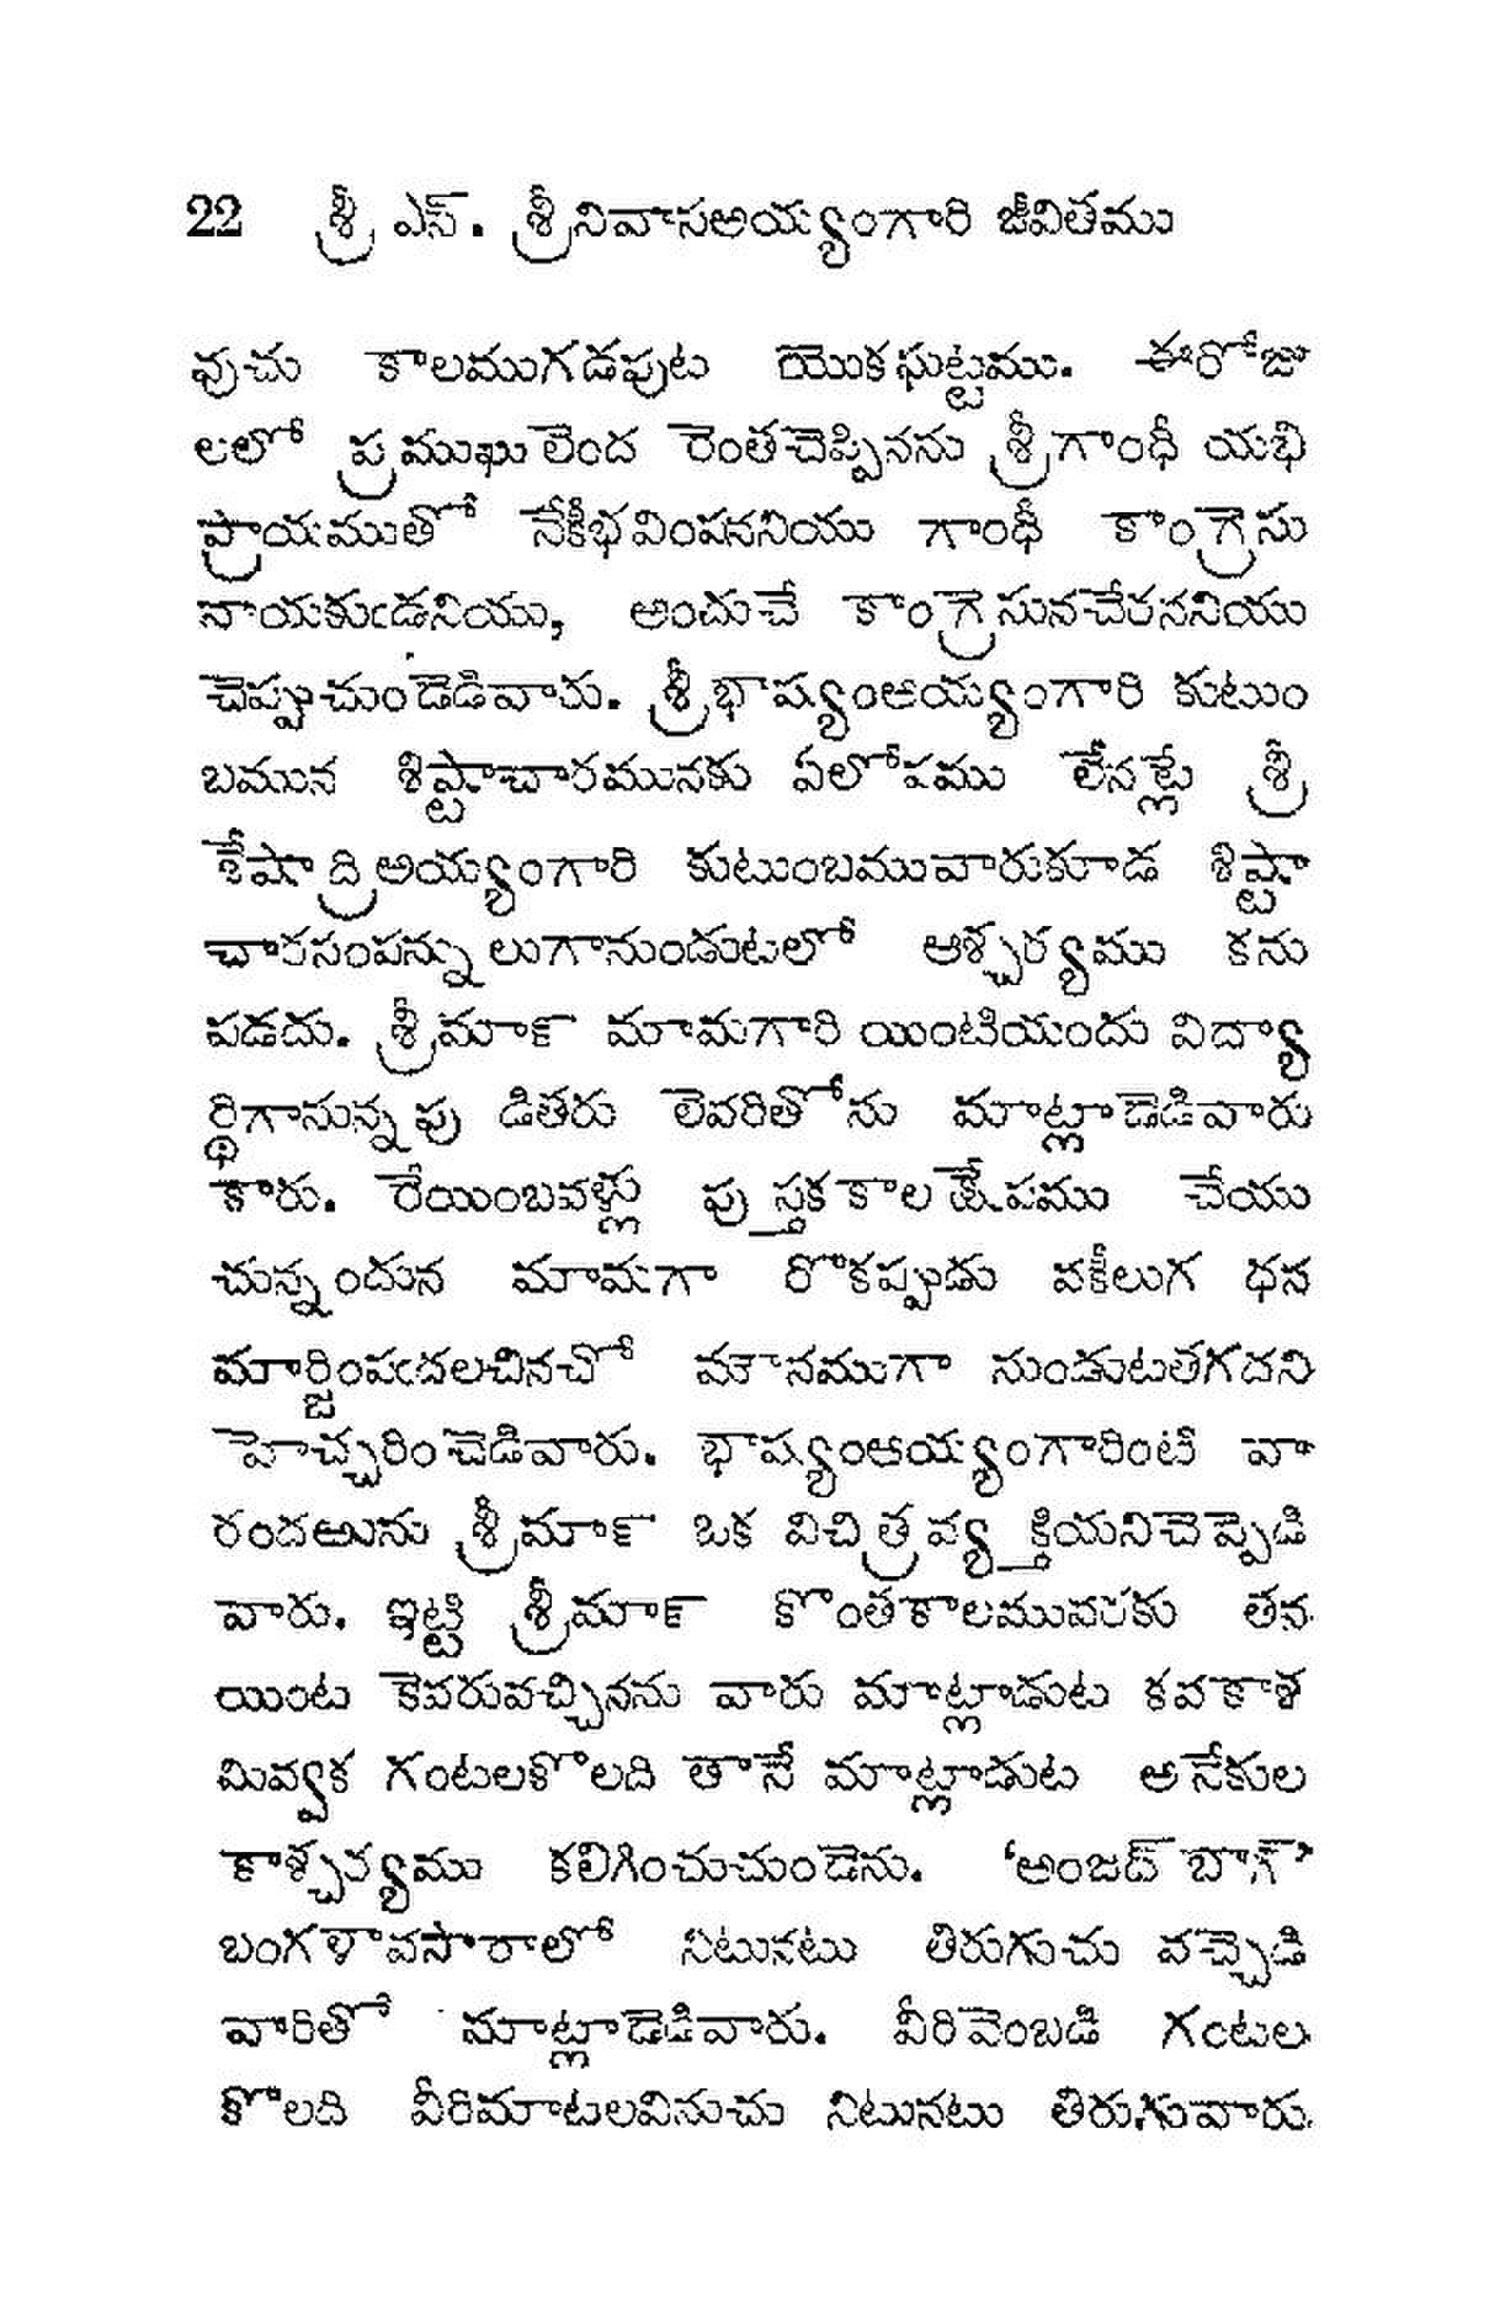వుచు కాలముగడపుట యొకఘట్టము. ఈరోజులలో ప్రముఖులెంద రెంతచెప్పినను శ్రీగాంధీ యభిప్రాయముతో నేకీభవించననియు గాంధీ కాంగ్రెసు నాయకుఁడనియు, అందుచే కాంగ్రెసునచేరననియు చెప్పుచుండెడివారు. శ్రీభాష్యంఆయ్యంగారి కుటుంబమున శిష్టాచారమునకు ఏలోషము లేనట్లే శ్రీశేషాద్రిఅయ్యంగారి కుటుంబమువారుకూడ శిష్టాచారసంపన్నులుగా నుండుటలో ఆశ్చర్యము కనుపడదు. శ్రీమా౯ మామగారి యింటియందు విద్యార్థిగానున్నపు డితరు లెవరితోను మాట్లాడెడివారు కారు. రేయింబవళ్లు పుస్తకకాలక్షేపము చేయు చున్నందున మామగా రొకప్పుడు వకీలుగ ధనమార్జింపఁదలచినచో మౌనముగా నుండుటతగదని హెచ్చరించెడివారు. భాష్యంఅయ్యంగారింటి వారందఱును శ్రీమా౯ ఒక విచిత్రవ్యక్తియనిచెప్పెడివారు. ఇట్టి శ్రీమా౯ కొంతకాలమువరకు తనయింట కెవరువచ్చినను వారు మాట్లాడుట కవకాశ మివ్వక గంటలకొలది తానే మాట్లాడుట అనేకుల కాశ్చర్యము కలిగించుచుండెను. 'అంజద్ బాగ్‌' బంగళావసారాలో నిటునటు తిరుగుచు వచ్చెడి వారితో మాట్లాడెడివారు. వీరివెంబడి గంటలకొలది వీరిమాటలవినుచు నిటునటు తిరుగువారు.